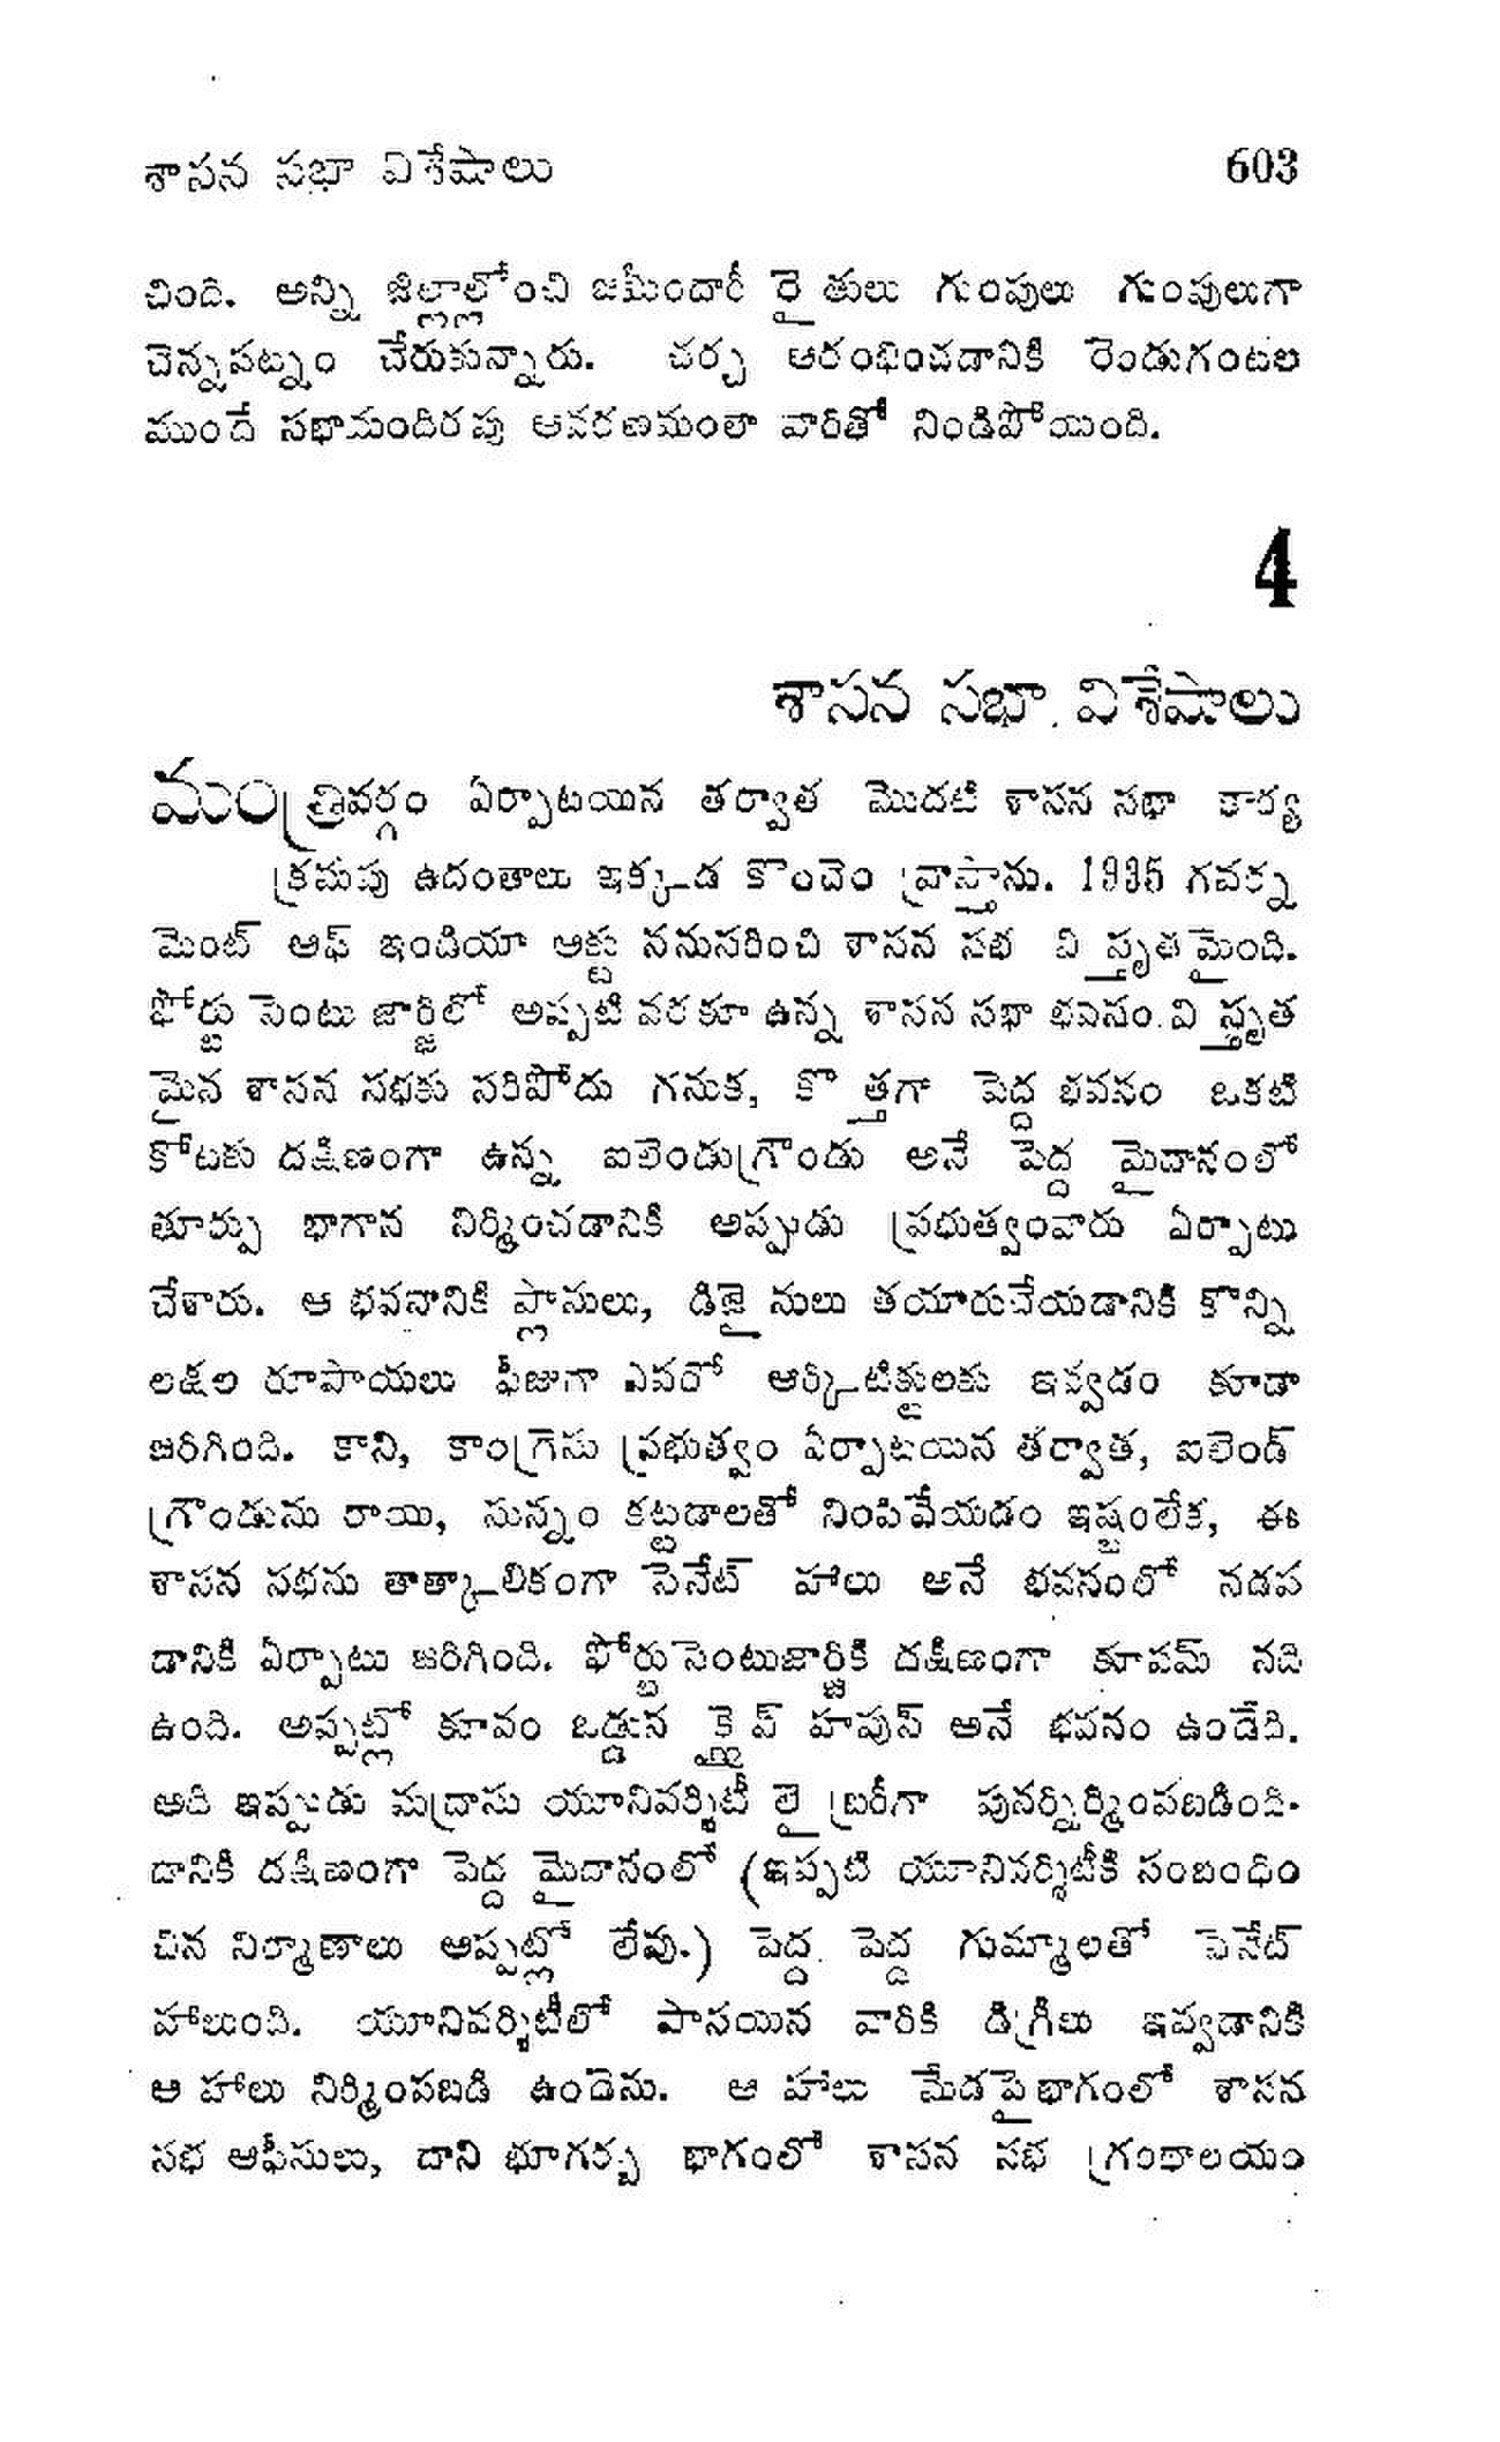చింది. అన్ని జిల్లాల్లోంచి జమీందారీ రైతులు గుంపులు గుంపులుగా చెన్నపట్నం చేరుకున్నారు. చర్చ ఆరంభించడానికి రెండుగంటల ముందే సభామందిరపు ఆవరణమంతా వారితో నిండిపోయింది.

మంత్రివర్గం ఏర్పాటయిన తర్వాత మొదటి శాసన సభా కార్యక్రమపు ఉదంతాలు ఇక్కడ కొంచెం వ్రాస్తాను. 1935 గవర్నమెంట్ ఆఫ్ ఇండియా ఆక్టు ననుసరించి శాసన సభ విస్తృతమైంది. ఫోర్టు సెంటు జార్జిలో అప్పటి వరకూ ఉన్న శాసన సభా భవనం విస్తృతమైన శాసన సభకు సరిపోదు గనుక, కొత్తగా పెద్ద భవనం ఒకటి కోటకు దక్షిణంగా ఉన్న ఐలెండుగ్రౌండు అనే పెద్ద మైదానంలో తూర్పు భాగాన నిర్మించడానికి అప్పుడు ప్రభుత్వం వారు ఏర్పాటు చేశారు. ఆ భవనానికి ప్లానులు, డిజైనులు తయారుచేయడానికి కొన్ని లక్షల రూపాయలు ఫీజుగా ఎవరో ఆర్కిటిక్టులకు ఇవ్వడం కూడా జరిగింది. కాని, కాంగ్రెసు ప్రభుత్వం ఏర్పాటయిన తర్వాత, ఐలెండ్ గ్రౌండును రాయి, సున్నం కట్టడాలతో నింపివేయడం ఇష్టం లేక, ఈ శాసన సభను తాత్కాలికంగా సెనేట్ హాలు అనే భవనంలో నడప డానికి ఏర్పాటు జరిగింది. ఫోర్టు సెంటుజార్జికి దక్షిణంగా కూవమ్ నది ఉంది. అప్పట్లో కూవం ఒడ్డున క్లైవ్ హవుస్ అనే భవనం ఉండేది. అది ఇప్పుడు మద్రాసు యూనివర్శిటీ లైబ్రరీగా పునర్నిర్మింప బడింది. దానికి దక్షిణంగా పెద్ద మైదానంలో (ఇప్పటి యూనివర్శిటీకి సంబంధించిన నిర్మాణాలు అప్పట్లో లేవు.) పెద్ద పెద్ద గుమ్మాలతో సెనేట్ హాలుంది. యూనివర్శిటీలో పాసయిన వారికి డిగ్రీలు ఇవ్వడానికి ఆ హాలు నిర్మింపబడి ఉండెను. ఆ హాలు మేడ పైభాగంలో శాసన సభ ఆఫీసులు, దాని భూగర్బ భాగంలో శాసన సభ గ్రంథాలయం